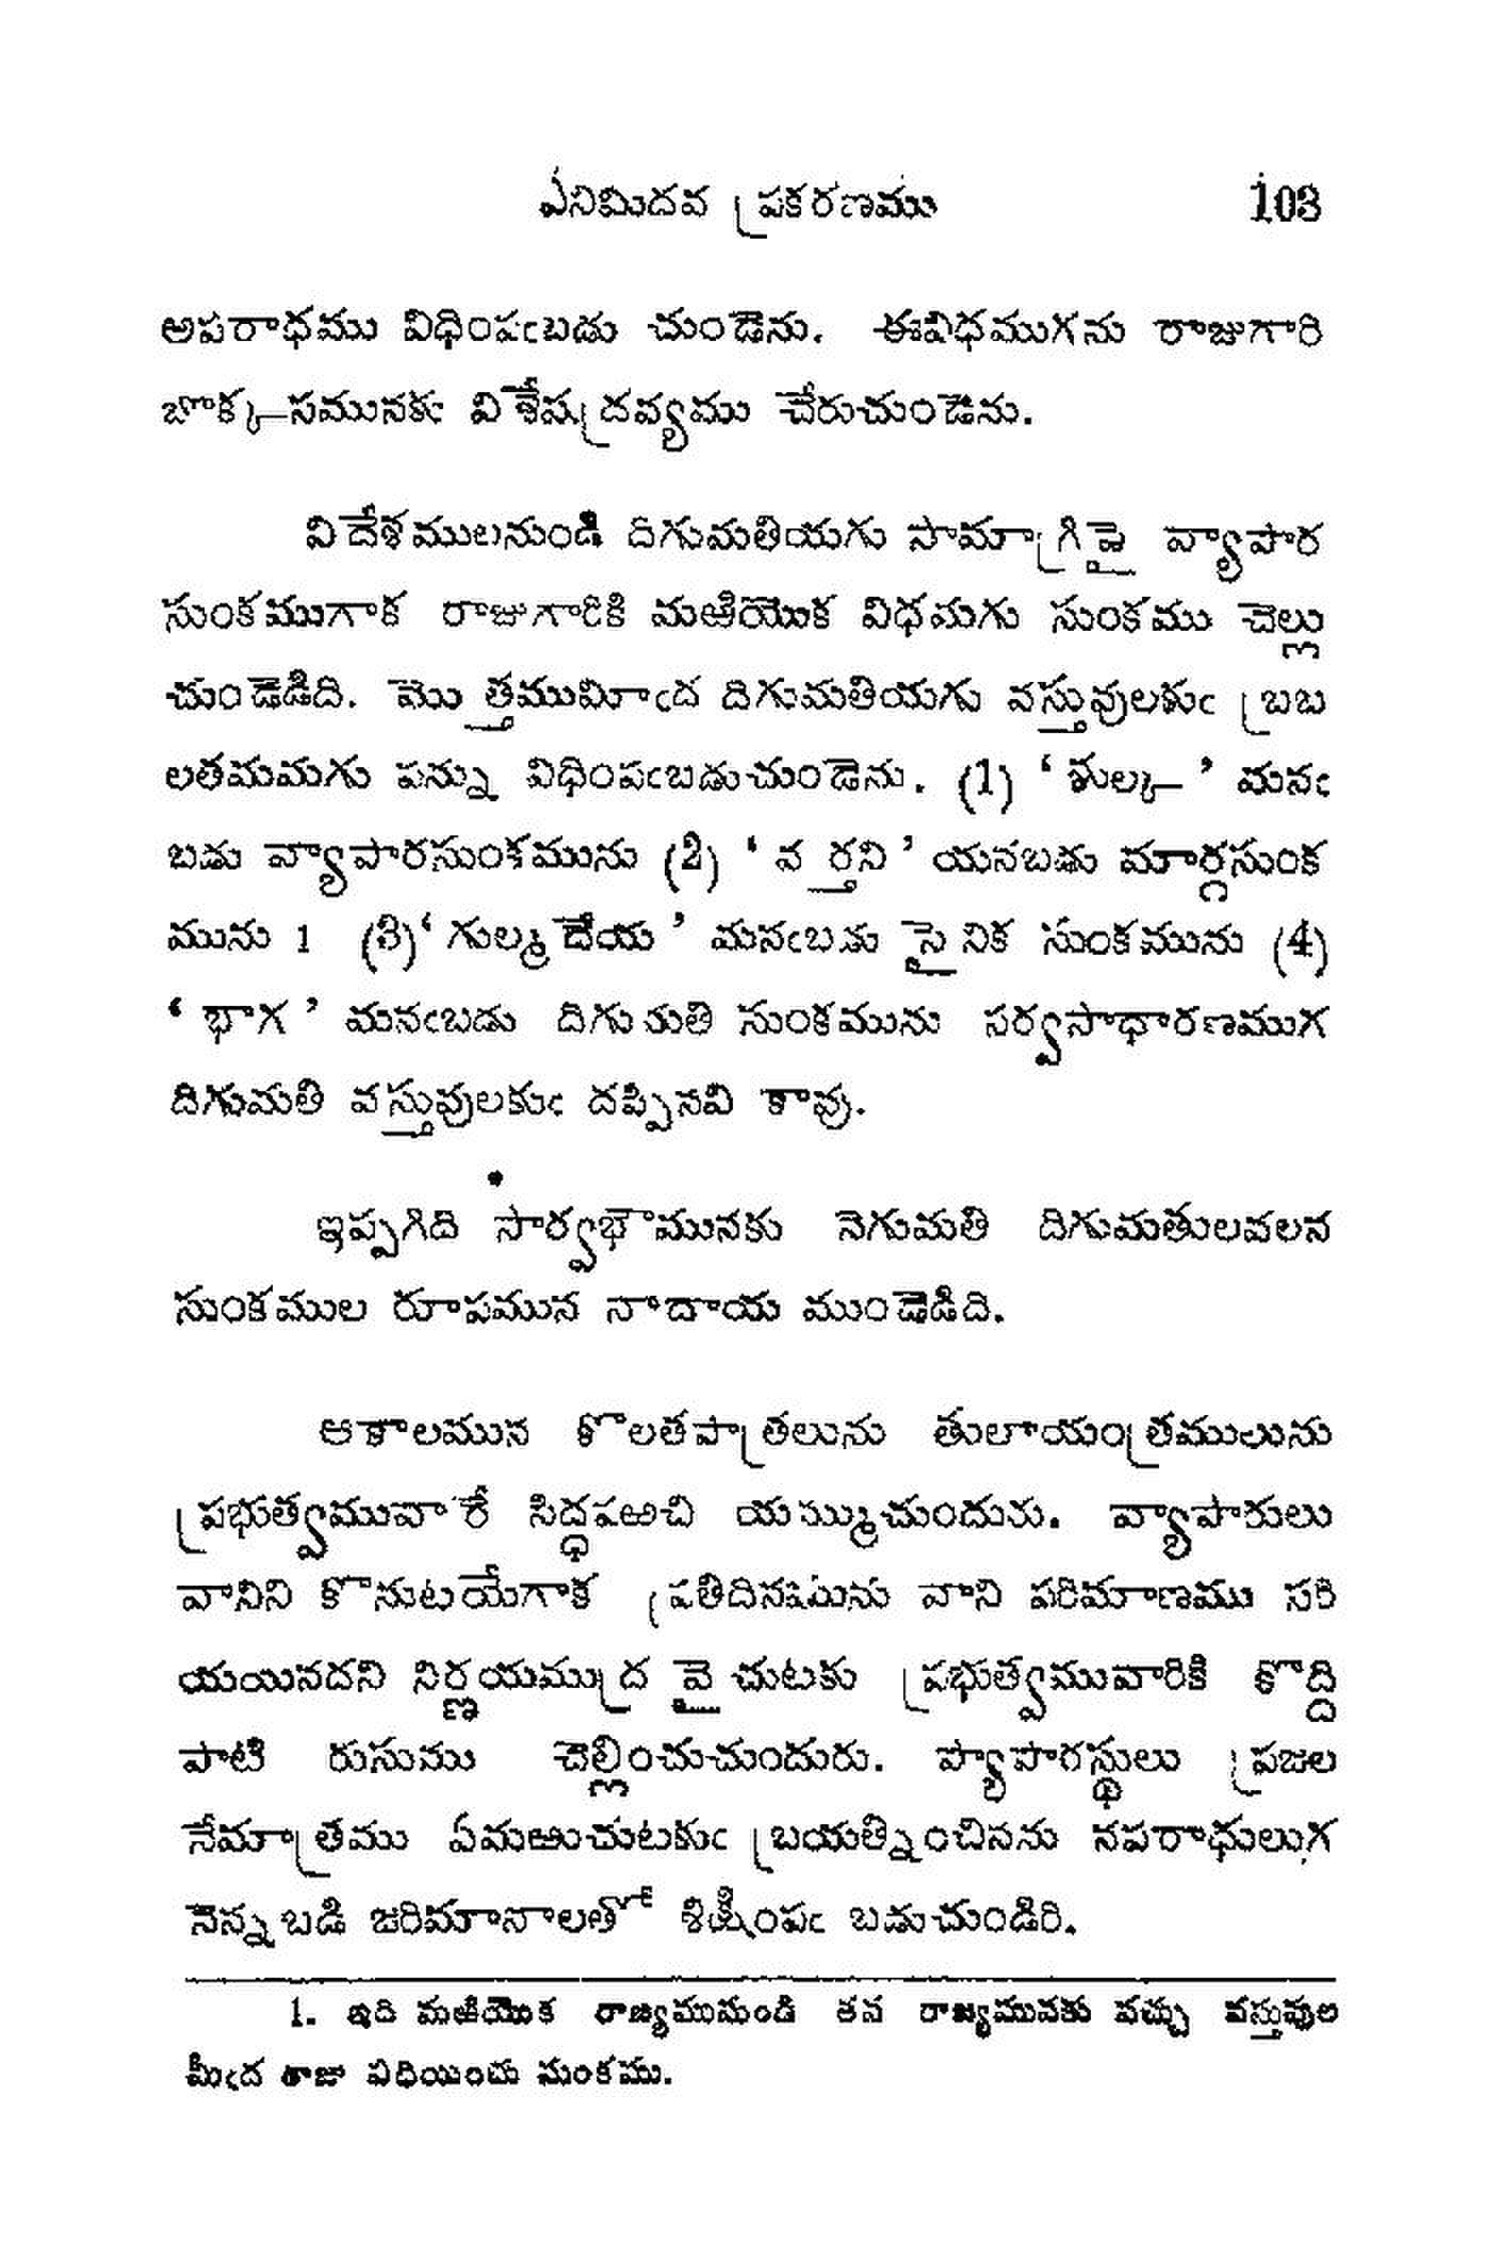అపరాధము విధింపఁబడు చుండెను. ఈవిధముగను రాజుగారి బొక్కసమునకు విశేషద్రవ్యము చేరుచుండెను.

విదేశములనుండి దిగుమతియగు సామాగ్రిపై వ్యాపార సుంకముగాక రాజుగారికి మఱియొక విధమగు సుంకము చెల్లు చుండెడిది. మొత్తముమీఁద దిగుమతియగు వస్తువులకుఁ బ్రబలతమమగు పన్ను విధింపఁబడుచుండెను. (1) 'శుల్క' మనఁబడు వ్యాపారసుంకమును (2) 'వర్తని' యనబడు మార్గసుంకమును 1 (3) 'గుల్మదేయ' మనఁబడు సైనిక సుంకమును (4) 'భాగ' మనఁబడు దిగుమతి సుంకమును సర్వసాధారణముగ దిగుమతి వస్తువులకుఁ దప్పినవి కావు.

ఇప్పగిది సార్వభౌమునకు నెగుమతి దిగుమతులవలన సుంకముల రూపమున నాదాయ ముండెడిది.

ఆకాలమున కొలతపాత్రలును తులాయంత్రములును ప్రభుత్వమువారే సిద్దపఱచి యమ్ముచుందురు. వ్యాపారులు వానిని కొనుటయేగాక ప్రతిదినమును వాని పరిమాణము సరి యయినదని నిర్ణయముద్ర వైచుటకు ప్రభుత్వమువారికి కొద్ది పాటి రుసుము చెల్లించుచుందురు. వ్యాపారస్థులు ప్రజల నేమాత్రము ఏమఱుచుటకుఁ బ్రయత్నించినను నపరాధులుగ నెన్నబడి జరిమానాలతో శిక్షింపఁ బడుచుండిరి.